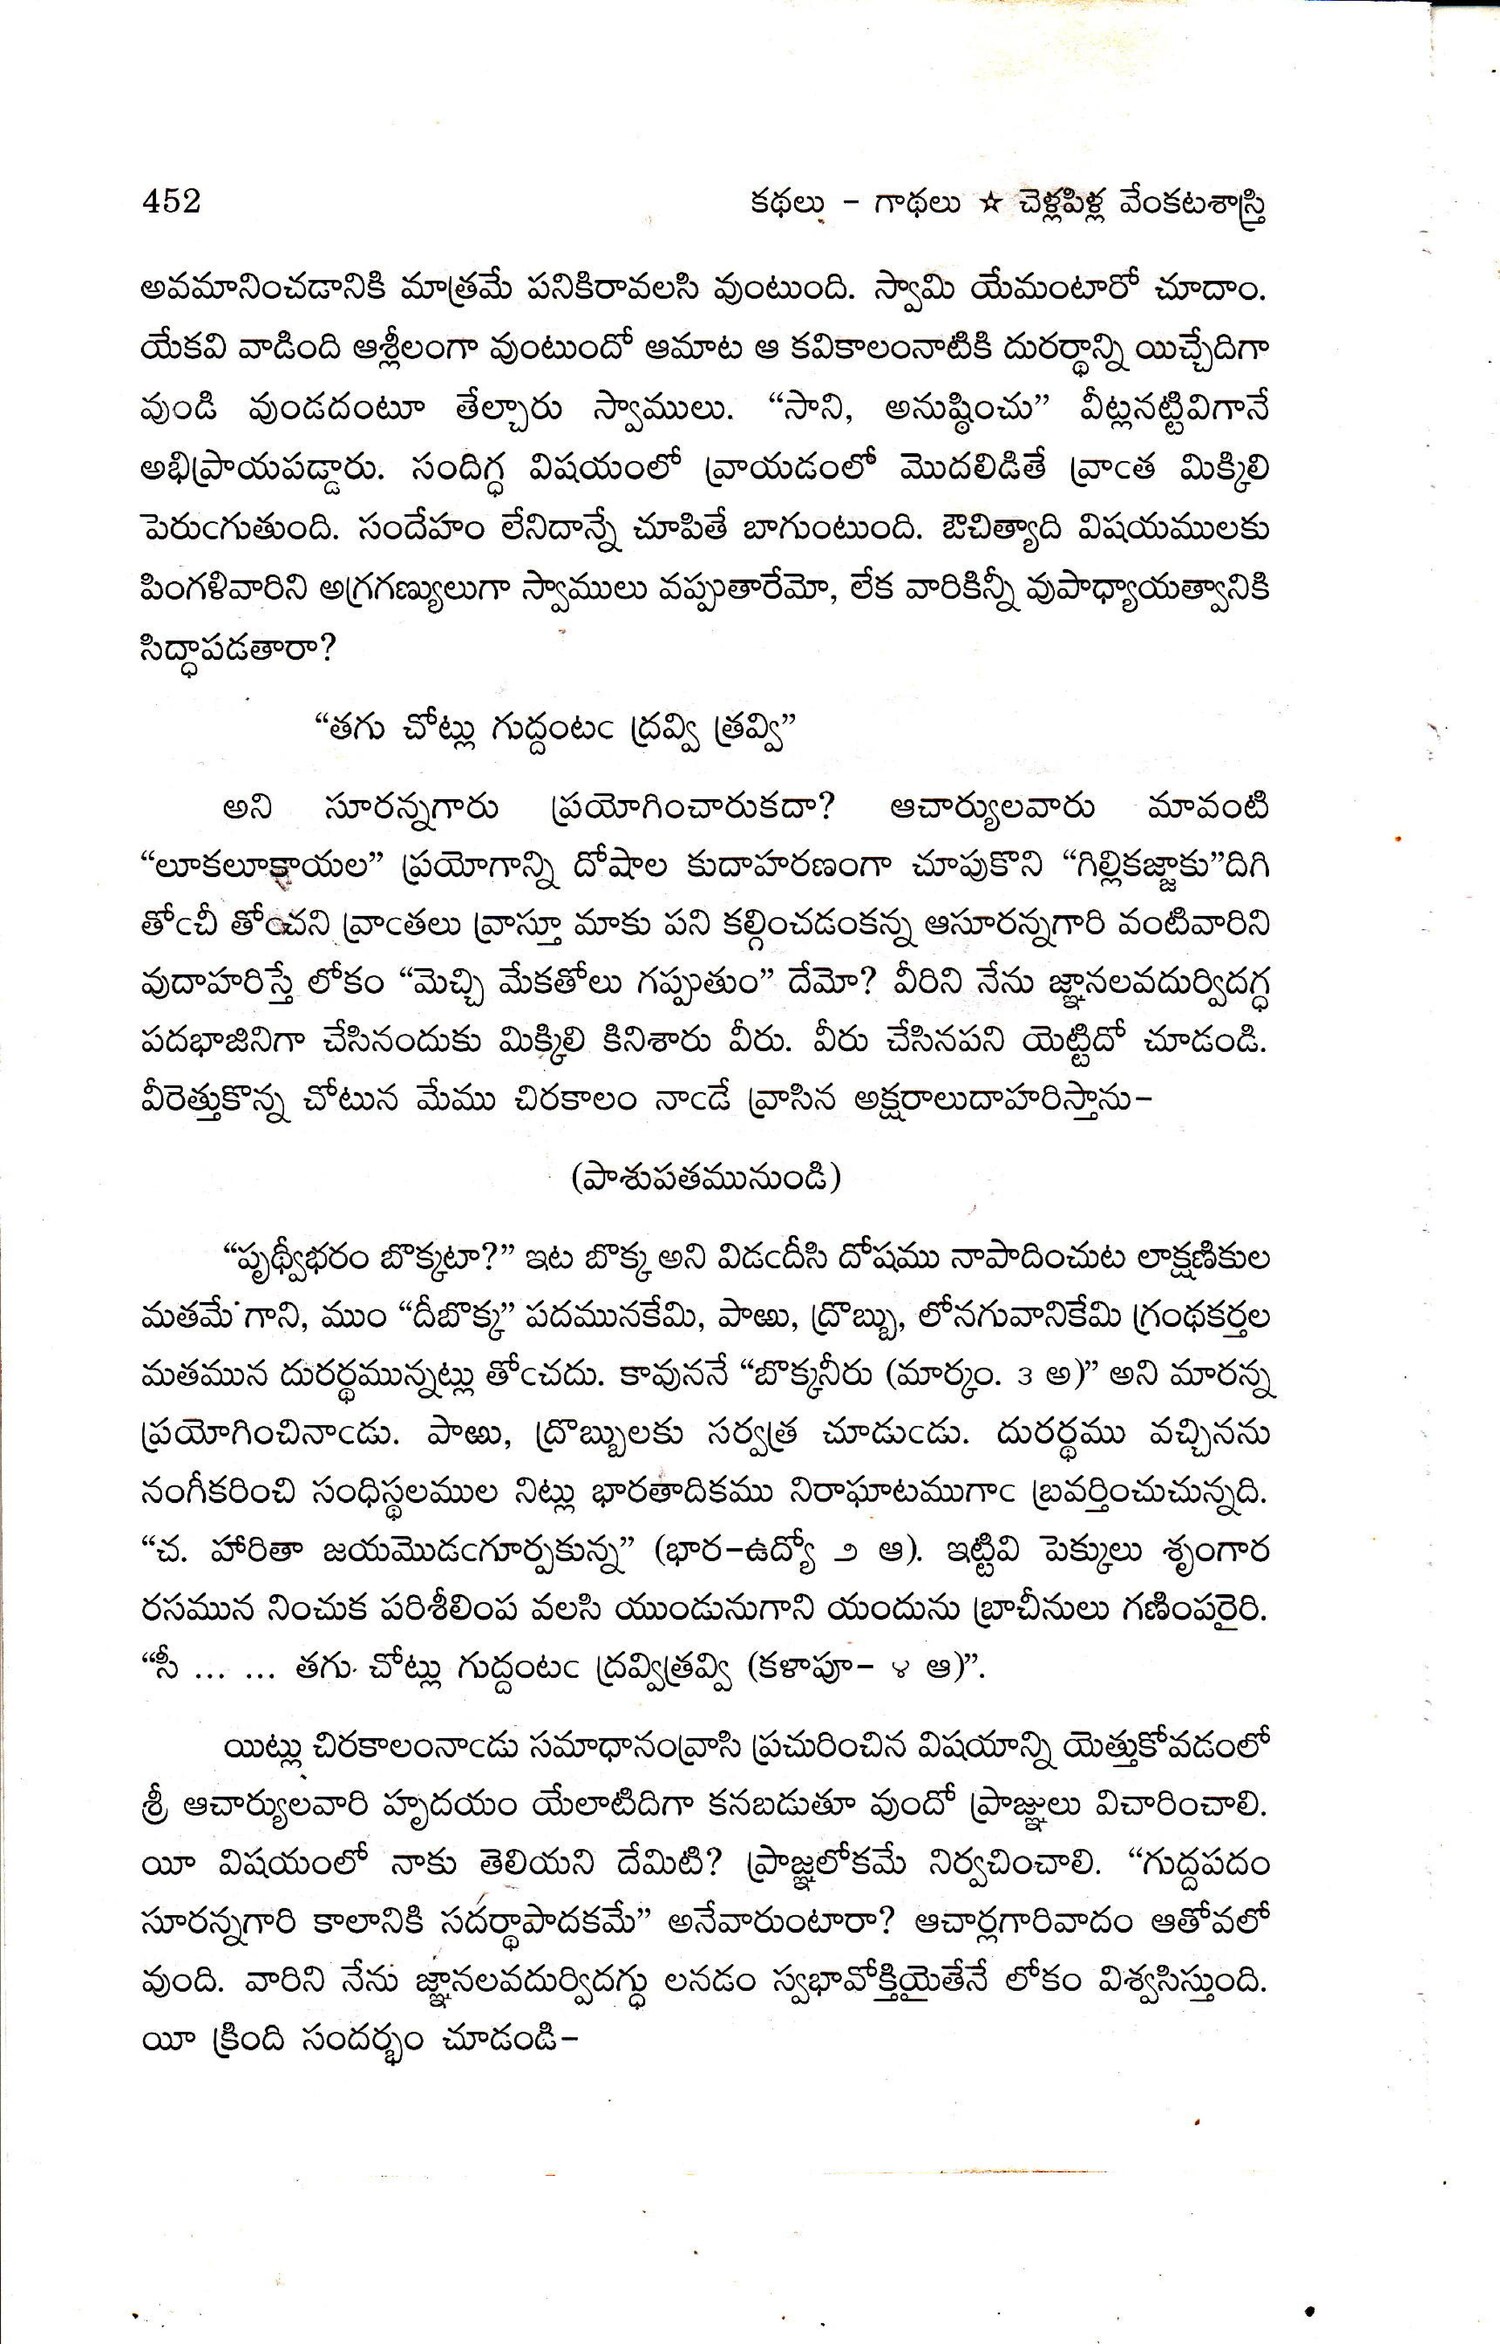అవమానించడానికి మాత్రమే పనికిరావలసి వుంటుంది. స్వామి యేమంటారో చూదాం. యేకవి వాడింది అశ్లీలంగా వుంటుందో ఆమాట ఆ కవికాలంనాటికి దురర్థాన్ని యిచ్చేదిగా వుండి వుండదంటూ తేల్చారు స్వాములు. “సాని, అనుష్ఠించు" వీట్లనట్టివిగానే అభిప్రాయపడ్డారు. సందిగ్ధ విషయంలో వ్రాయడంలో మొదలిడితే వ్రాఁత మిక్కిలి పెరుఁగుతుంది. సందేహం లేనిదాన్నే చూపితే బాగుంటుంది. ఔచిత్యాది విషయములకు పింగళివారిని అగ్రగణ్యులుగా స్వాములు వప్పుతారేమో, లేక వారికిన్నీ వుపాధ్యాయత్వానికి సిద్ధాపడతారా?

“తగు చోట్లు గుద్దంటఁ ద్రవ్వి త్రవ్వి"
అని సూరన్నగారు ప్రయోగించారుకదా? ఆచార్యులవారు మావంటి "లూకలూకాయల” ప్రయోగాన్ని దోషాల కుదాహరణంగా చూపుకొని "గిల్లికబ్జాకు"దిగి తోఁచీ తోఁచని వ్రాఁతలు వ్రాస్తూ మాకు పని కల్గించడంకన్న ఆసూరన్నగారి వంటివారిని వుదాహరిస్తే లోకం "మెచ్చి మేకతోలు గప్పుతుం" దేమో? వీరిని నేను జ్ఞానలవదుర్విదగ్ధ పదభాజినిగా చేసినందుకు మిక్కిలి కినిశారు వీరు. వీరు చేసినపని యెట్టిదో చూడండి. వీరెత్తుకొన్న చోటున మేము చిరకాలం నాఁడే వ్రాసిన అక్షరాలుదాహరిస్తాను-

“పృథ్వీభరం బొక్కటా?" ఇట బొక్క అని విడఁదీసి దోషము నాపాదించుట లాక్షణికుల మతమే గాని, ముం “దీబొక్క" పదమునకేమి, పాఱు, ద్రొబ్బు, లోనగువానికేమి గ్రంథకర్తల మతమున దురర్థమున్నట్లు తోఁచదు. కావుననే "బొక్కనీరు (మార్కం. 3 అ)" అని మారన్న ప్రయోగించినాఁడు. పాఱు, ద్రొబ్బులకు సర్వత్ర చూడుఁడు. దురర్థము వచ్చినను నంగీకరించి సంధిస్థలముల నిట్లు భారతాదికము నిరాఘాటముగాఁ బ్రవర్తించుచున్నది. “చ. హారితా జయమొడఁగూర్పకున్న (భార-ఉద్యో 2 ఆ). ఇట్టివి పెక్కులు శృంగార రసమున నించుక పరిశీలింప వలసి యుండునుగాని యందును బ్రాచీనులు గణింపరైరి. 

“సీ ... ... తగు చోట్లు గుద్దంటఁ ద్రవ్విత్రవ్వి (కళాపూ- 4 ఆ)”.
యిట్లు చిరకాలంనాఁడు సమాధానం వ్రాసి ప్రచురించిన విషయాన్ని యెత్తుకోవడంలో శ్రీ ఆచార్యులవారి హృదయం యేలాటిదిగా కనబడుతూ వుందో ప్రాజ్ఞులు విచారించాలి. యీ విషయంలో నాకు తెలియని దేమిటి? ప్రాజ్ఞలోకమే నిర్వచించాలి. “గుద్దపదం సూరన్నగారి కాలానికి సదర్థాపాదకమే" అనేవారుంటారా? ఆచార్లగారివాదం ఆతోవలో వుంది. వారిని నేను జ్ఞానలవదుర్విదగ్ధు లనడం స్వభావోక్తియైతేనే లోకం విశ్వసిస్తుంది. యీ క్రింది సందర్భం చూడండి-